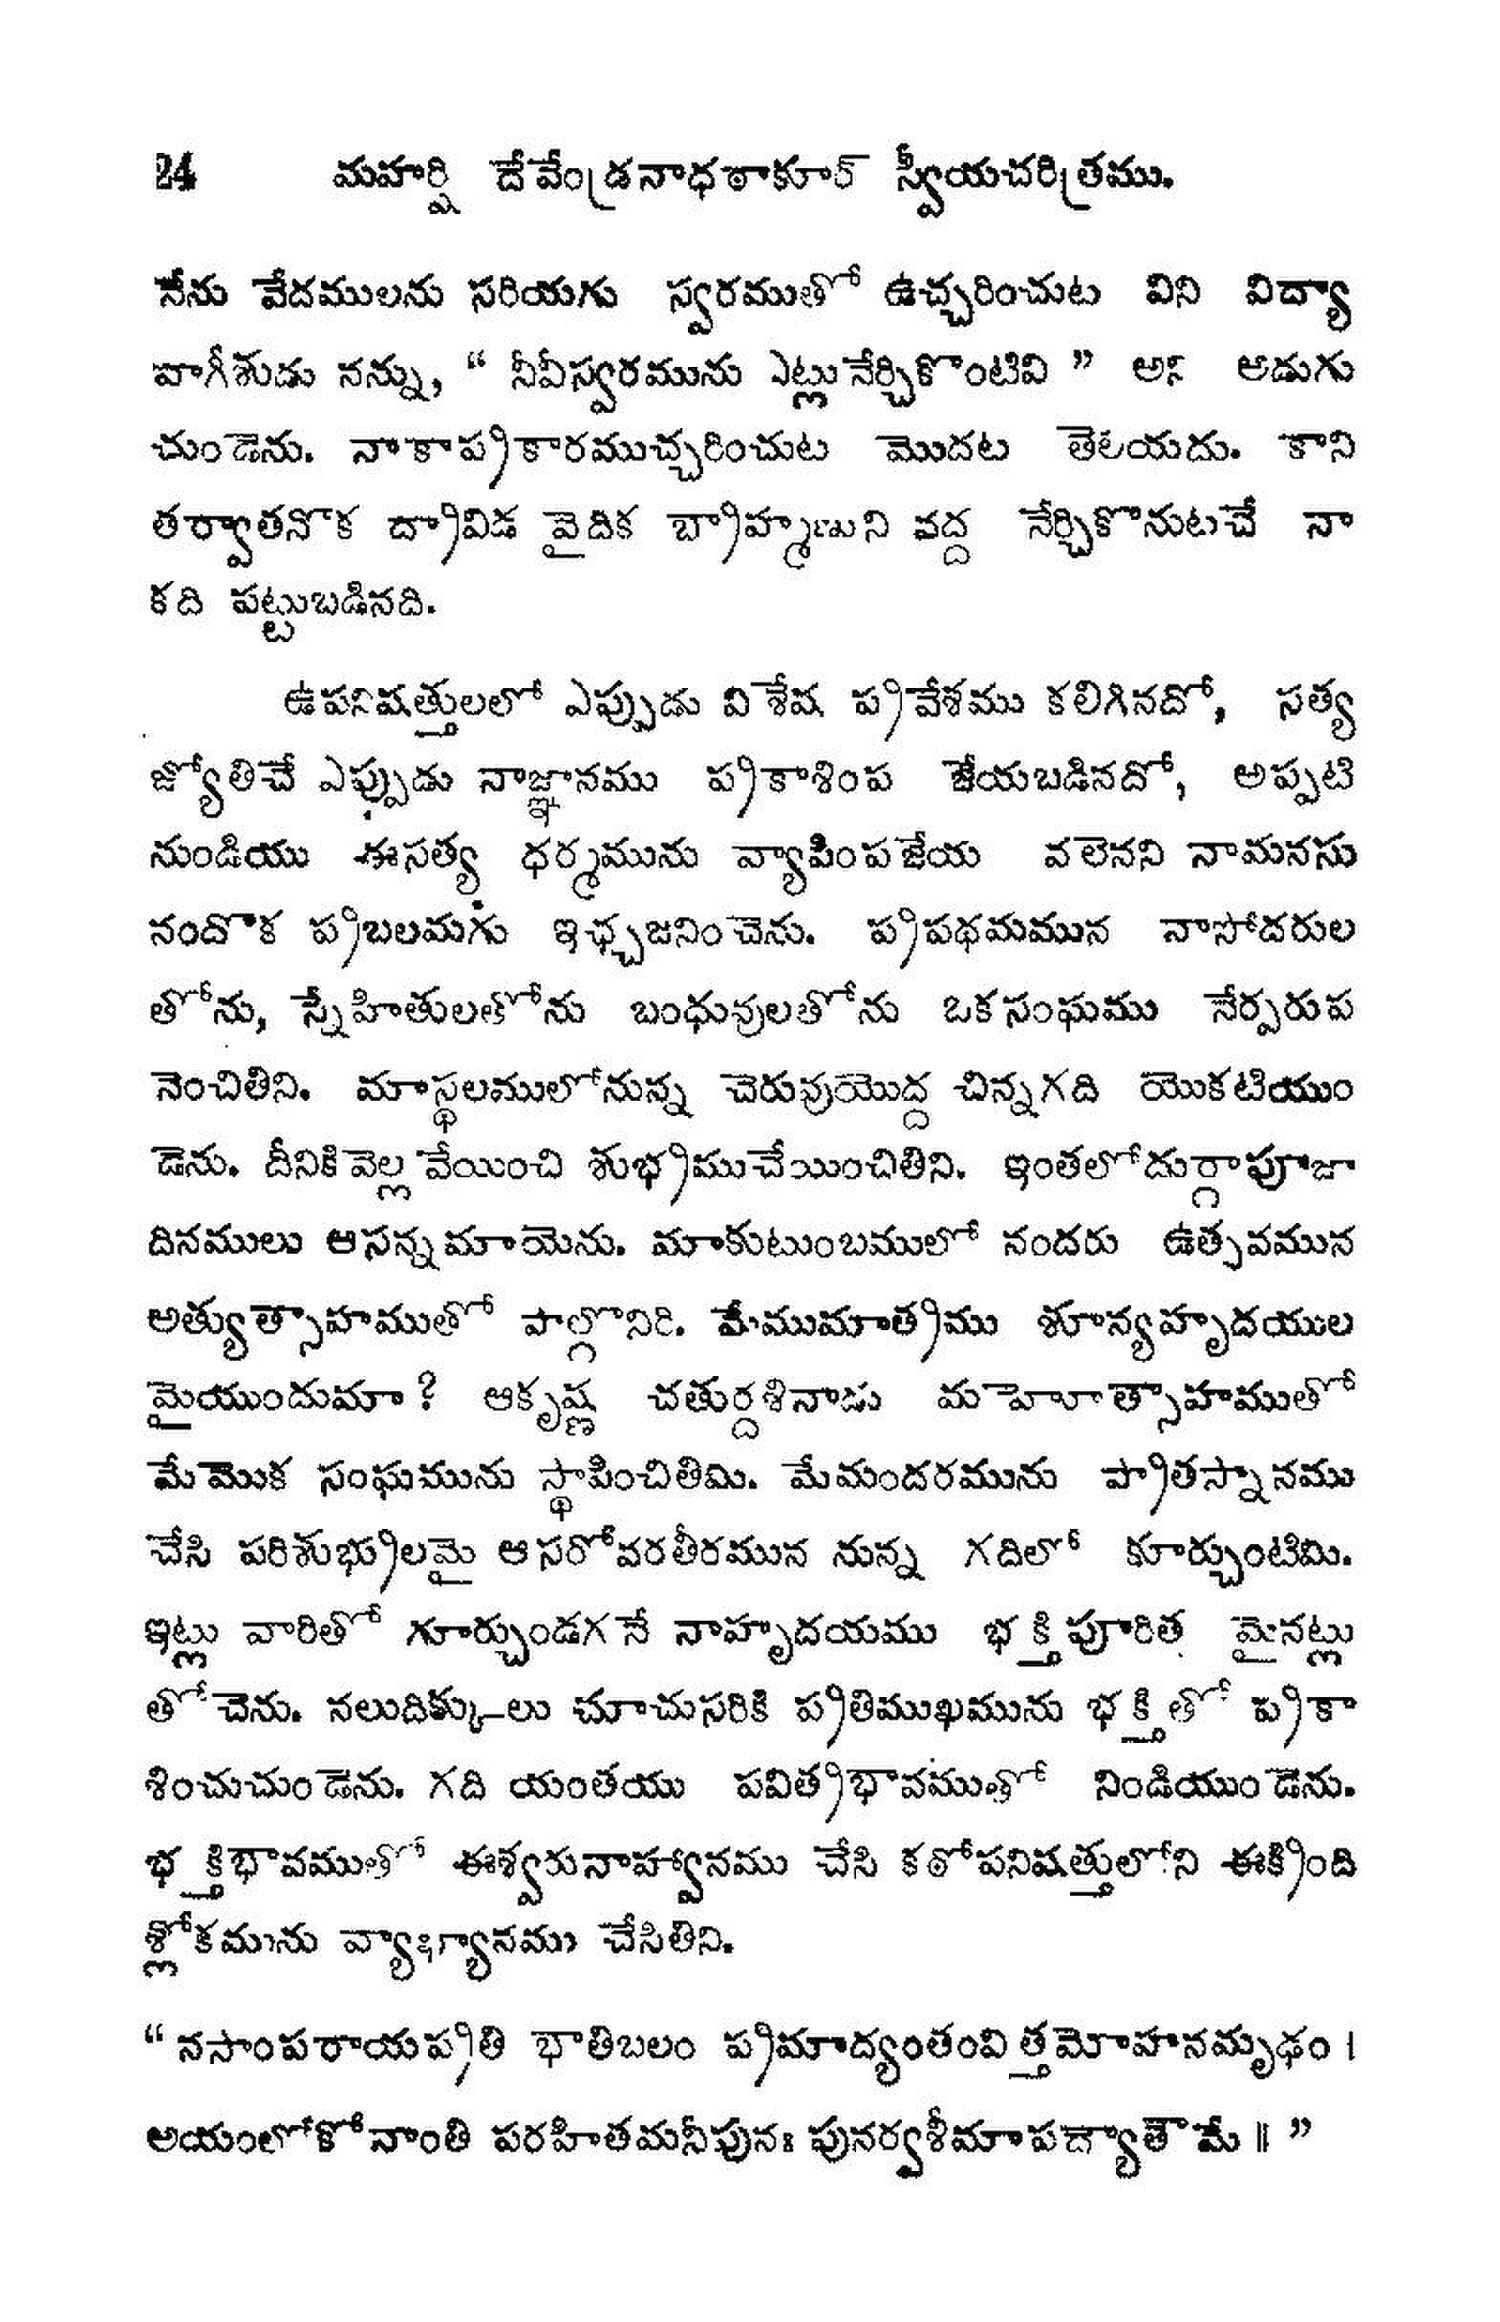నేను వేదములను సరియగు స్వరముతో ఉచ్చరించుట విని విద్యావాగీశుడు నన్ను, “ నీవీ స్వరమును ఎట్లు నేర్చి కొంటివి ” అని అడుగు చుండెను. నా కాప్రకారము చ్చరించుట మొదట తెలియదు. కాని తర్వాతనొక దావిడ వైదిక బ్రాహ్మణుని వద్ద నేర్చి కొనుటచే నా కది పట్టుబడినది.

ఉపనిషత్తులలో ఎప్పుడు విశేష ప్రవేశము కలిగినదో, సత్య జ్యోతిచే ఎప్పుడు నాజ్ఞానము ప్రకాశింప జేయబడినదో, అప్పటి నుండియు ఈసత్య ధర్మమును వ్యాపింప జేయ వలెనని నామనసు నందొక ప్రబలమగు ఇఛ్ఛజనించెను. ప్రపథమమున నాసోదరుల తోను, స్నేహితులతోను బంధువులతోను ఒక సంఘము నేర్పరుప నెంచితిని. మాస్థలములో నున్న చెరువుయొద్ద చిన్నగది యొకటియుండెను. దీనికి వెల్ల 'వేయించి శుభము చేయించితిని. ఇంతలో దుర్గా పూజ దినములు ఆసన్నమాయెను. మా కుటుంబములో నందరు ఉత్సవమున అత్యుత్సాహముతో పాల్గొనిరి. మేము మాత్రము శూన్య హృదయుల మైయుందుమా? ఆకృష్ణ చతుర్దశి నాడు మహెత్సాహముతో మేమొక సంఘమును స్థాపించితిమి. మేమందరమును ప్రాతస్నానము చేసి పరిశుభ్రులమై ఆ సరోవర తీరమున నున్న గదిలో కూర్చుంటిమి. ఇట్లు వారితో గూర్చుండగనే నాహృదయము భక్తిపూరిత మైనట్లు తోచెను. నలుదిక్కులు చూచు సరికి ప్రతి ముఖమును భక్తితో ప్రకాశించు చుండెను. గది యంతయు పవిత్రభావముతో నిండి యుండెను. భక్తిభావము "* ఈశ్వరునాహ్వానము చేసి కఠోపనిషత్తులోని ఈకింది
'
శ్లోకమును వ్యాఖ్యానము చేసితిని. - " నసొంప రాయప్రతి భౌతిబలం ప్రమాద్యంతంవి త్తమోహనమృఢం |
 అయంలో కోనాంతి పరహితమనీ పునః పునర్వశీ మాపద్వౌతౌ మే || "